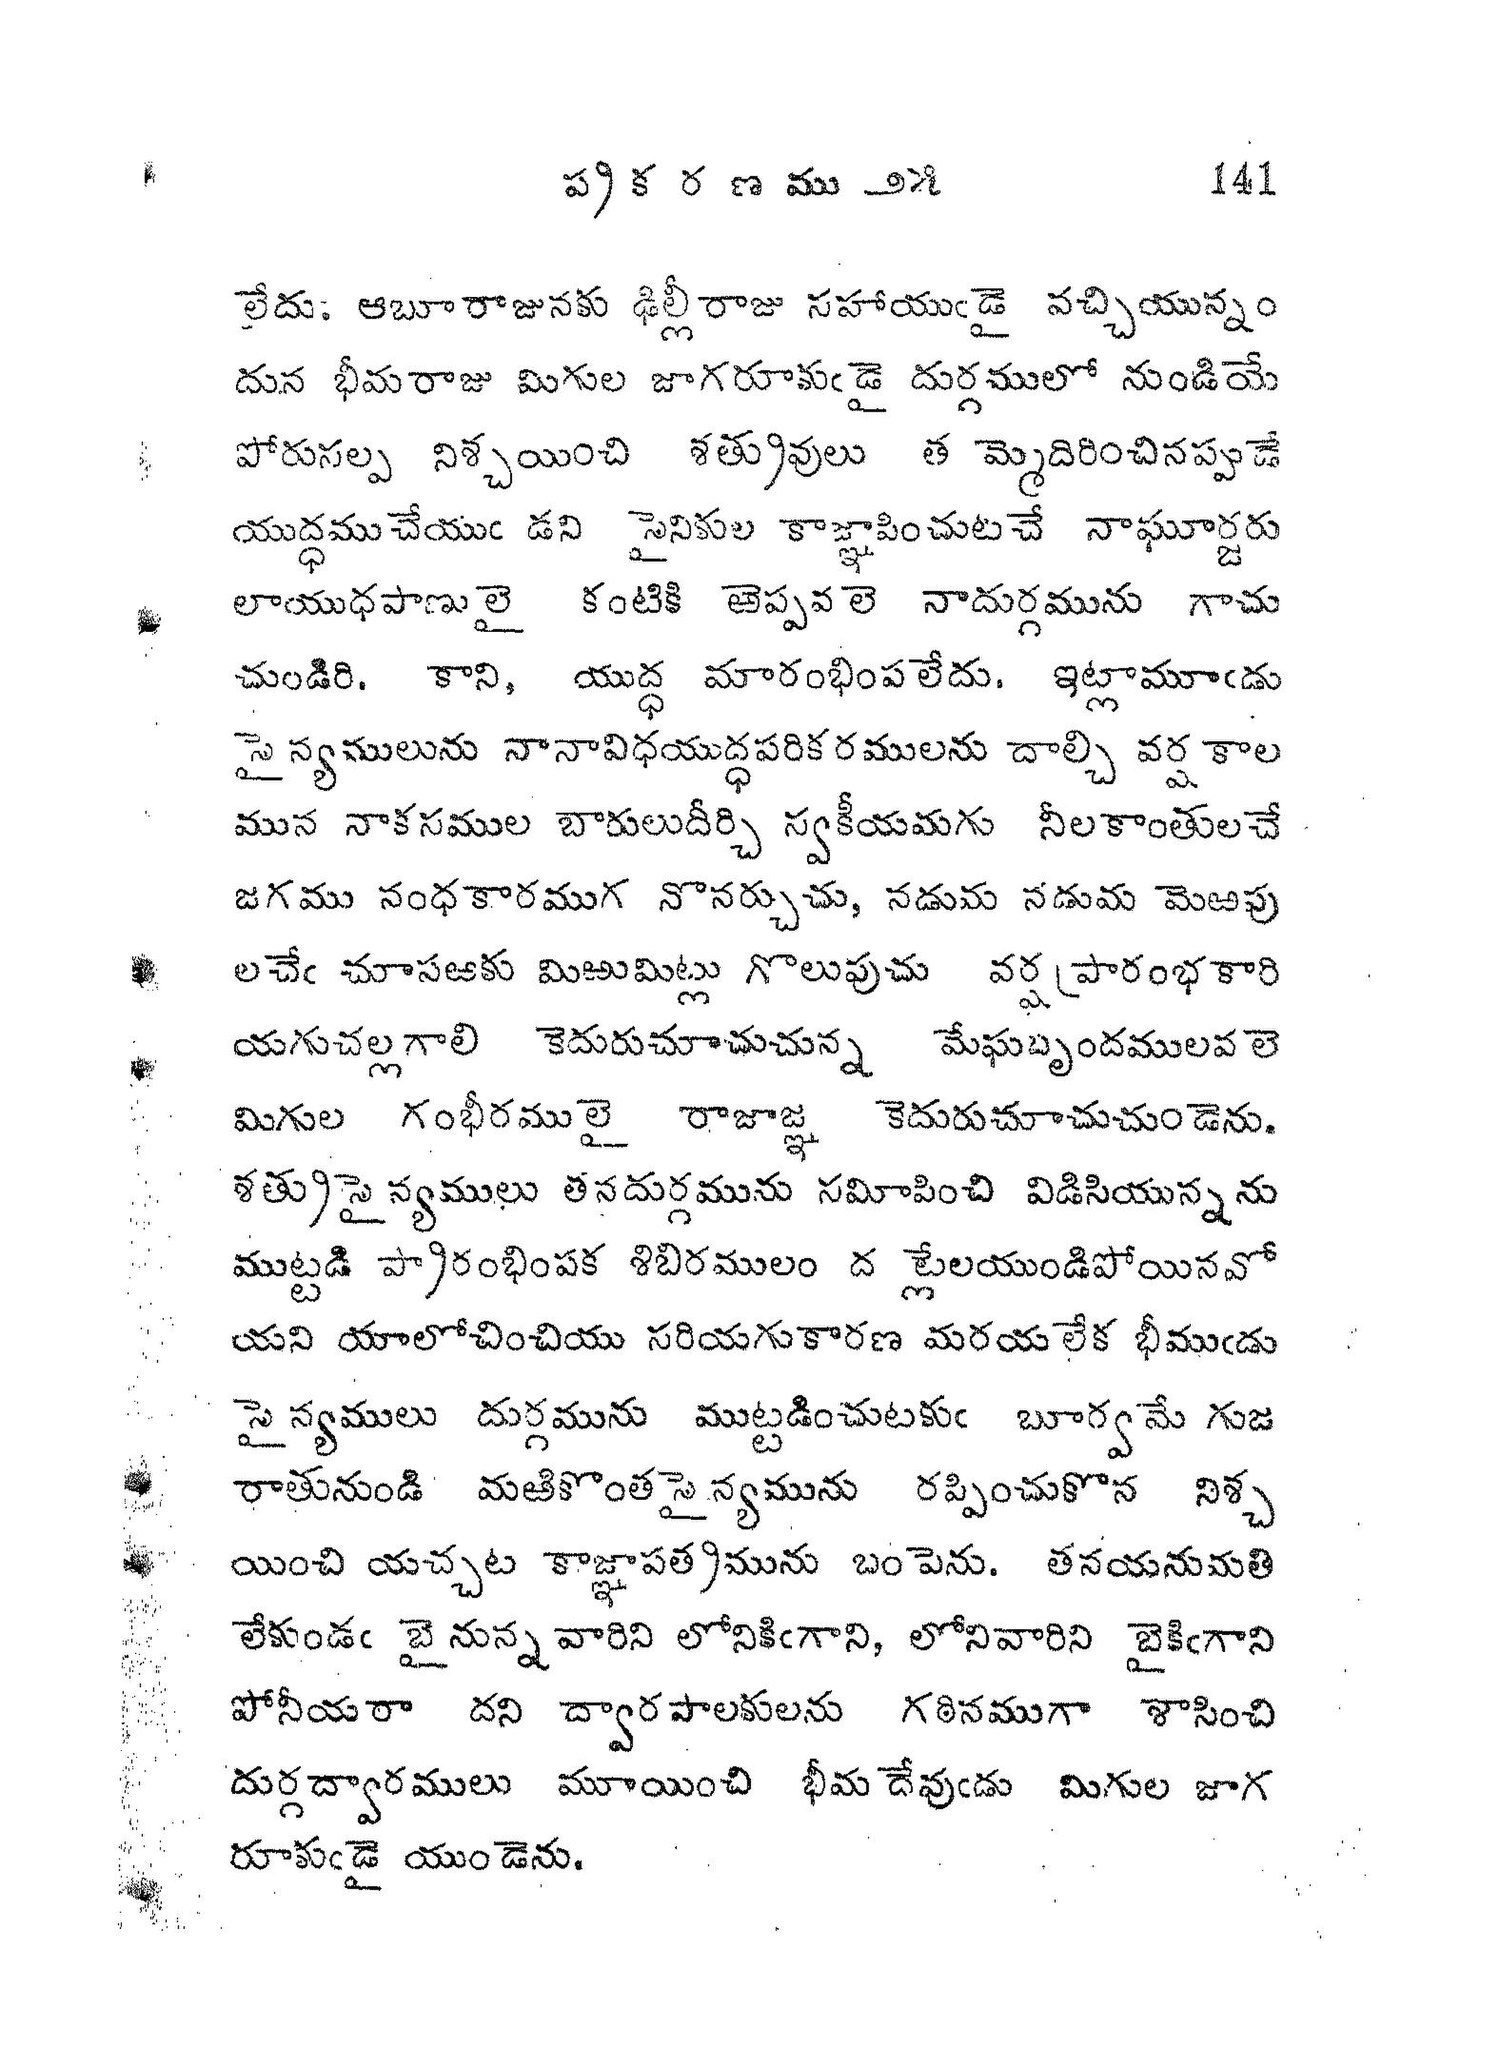లేదు: ఆబూ రాజునకు ఢిల్లీ రాజు సహాయుఁడై వచ్చియున్నం
దున భీమరాజు మిగుల జాగరూకుఁడై దురములో నుండియే
పోరుసల్ప నిశ్చయించి శత్రువులు త మమెదిరించినప్పుడే
యుద్ధము చేయుఁడని సైనికుల కాజ్ఞాపించుటచే నాఘూర్జరు
లాయుధపాణులై కంటికి తెప్పవలె నాదుర్గమును గాచు
కాని, యుద్ధ మారంభింప లేదు. ఇట్లా మూఁడు
సై న్యములును నానావిధ యుద్ధపరికరములను దాల్చి వర్ష కాల
మున నాకసముల బారులుదీర్చి స్వకీయమగు నీలకాంతులచే
జగము నంధ కారముగ నొనర్చుచు, నడుము నడుమ మెఱపు
లచేఁ చూపఱకు మిరుమిట్లు గొలుపుచు వర్ష ప్రారంభ కారి
యగుచల్ల గాలి కెదురుచూచుచున్న మేఘబృందములవ లె
మిగుల గంభీరము లై రాజాజ్ఞ కెదురుచూచుచుండెను.
శత్రు సై న్యములు తనదుర్గమును సమీపించి విడిసియున్నను
ముట్టడి ప్రారంభింపక శిబిరములం దట్లేలయుండి పోయినవో
యని యాలోచించియు సరియగు కారణ మరయ లేక భీముఁడు
సై న్యములు దుర్గమును ముట్టడించుటకుఁ బూర్వమే గుజ
రాతునుండి మఱికొంత సైన్యమును రప్పించుకొన నిశ్చ
యించి యచ్చట కాజ్ఞాపత్రమును బం పెను. తనయనుమతి
లేకుండఁ బై నున్న వారిని లోనికిఁగాని, లోని వారిని బైకిఁగాని
పోనీయరాదని ద్వార పాలకులను గఠినముగా శాసించి
దుర్గ ద్వారములు మూయించి భీమ దేవుఁడు మిగుల జాగ
రూకుఁడై యుండెను.